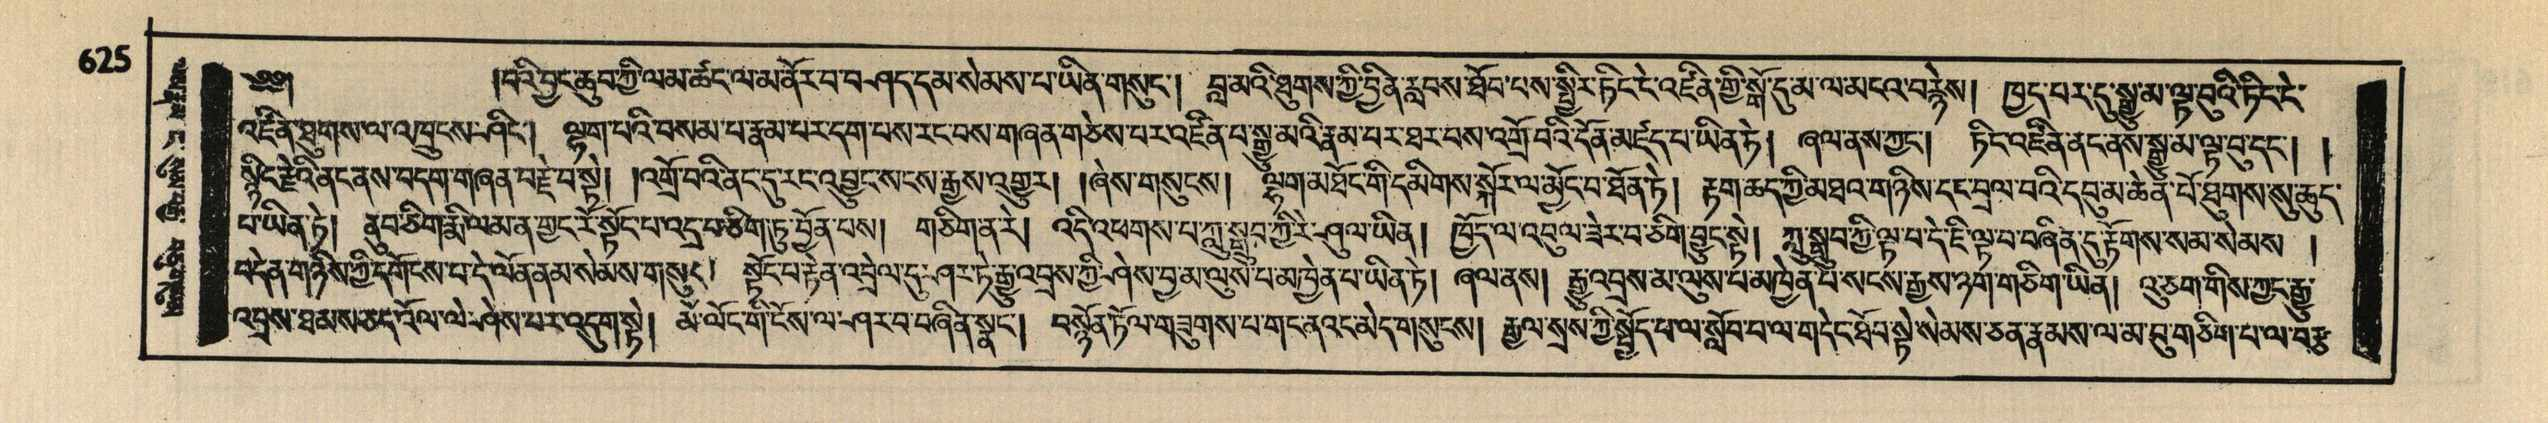༄༅། །བའི་བྱང་ཆུབ་ཀྱི་ལམ་ཚང་ལ་མ་ནོར་བ་བཤད་དམ་སེམས་པ་ཡིན་གསུང་། བླ་མའི་ཐུགས་ཀྱི་བྱིན་རླབས་ཐོབ་པས་སྤྱིར་ཏིང་ངེ་འཛིན་གྱི་སྒོ་དུ་མ་ལ་མངའ་བརྙེས། ཁྱད་པར་དུ་སྒྱུ་མ་ལྟ་བུའི་ཏིང་ངེ་
འཛིན་ཐུགས་ལ་འཁྲུངས་ཤིང་། ལྷག་པའི་བསམ་པ་རྣམ་པར་དག་པས་རང་བས་གཞན་གཅེས་པར་འཛིན་པ་སྒྱུ་མའི་རྣམ་པར་ཐར་བས་འགྲོ་བའི་དོན་མཛད་པ་ཡིན་ཏེ། ཞལ་ནས་ཀྱང་། ཏིང་འཛིན་ནང་ནས་སྒྱུ་མ་ལྟ་བུ་དང་། །
སྙིང་རྗེའི་ནང་ནས་བདག་གཞན་བརྗེ་བ་སྟེ། །འགྲོ་བའི་ནང་དུ་རང་འབྱུང་སངས་རྒྱས་འགྱུར། །ཞེས་གསུངས། ལྷག་མཐོང་གི་དམིགས་སྐོར་ལ་མྱོང་བ་ཐོན་ཏེ། རྟག་ཆད་ཀྱི་མཐའ་གཉིས་དང་བྲལ་བའི་དབུ་མ་ཆེན་པོ་ཐུགས་སུ་ཆུད་
པ་ཡིན་ཏེ། ནུབ་ཅིག་རྨི་ལམ་ན་གྱང་རོ་སྟོང་པ་འདྲ་པ་ཅིག་ཏུ་བྱོན་པས། གཅིག་ན་རེ། འདི་འཕགས་པ་ཀླུ་སྒྲུབ་ཀྱི་རེ་ཤུལ་ཡིན། ཁྱོད་ལ་འབུལ་ཟེར་བ་ཅིག་བྱུང་སྟེ། ཀླུ་སྒྲུབ་ཀྱི་ལྟ་བ་དེ་ཇི་ལྟ་བ་བཞིན་དུ་རྟོགས་སམ་སེམས་།
བདེན་གཉིས་ཀྱི་དགོངས་པ་དེ་ལོན་ནམ་སེམས་གསུང་། སྟོང་པ་རྟེན་འབྲེལ་དུ་ཤར་ཏེ་རྒྱུ་འབྲས་ཀྱི་ཤེས་བྱ་མ་ལུས་པ་མཁྱེན་པ་ཡིན་ཏེ། ཞལ་ནས། རྒྱུ་འབྲས་མ་ལུས་པ་མཁྱེན་པ་སངས་རྒྱས་ཉག་གཅིག་ཡིན། འུ་ཅག་གིས་ཀྱང་རྒྱུ་
འབྲས་ཐམས་ཅད་འོལ་ལེ་ཤེས་པར་འདུག་སྟེ། མོ་ལོང་གི་ངོས་ལ་ཤར་བ་བཞིན་སྣང་། བསྙོན་ཏོལ་གཟུགས་པ་གང་ནའང་མེད་གསུངས། རྒྱལ་སྲས་ཀྱི་སྤྱོད་པ་ལ་སློབ་བ་ལ་གདེང་ཐོབ་སྟེ་སེམས་ཅན་རྣམས་ལ་མ་བུ་གཅིག་པ་ལ་བརྩ་